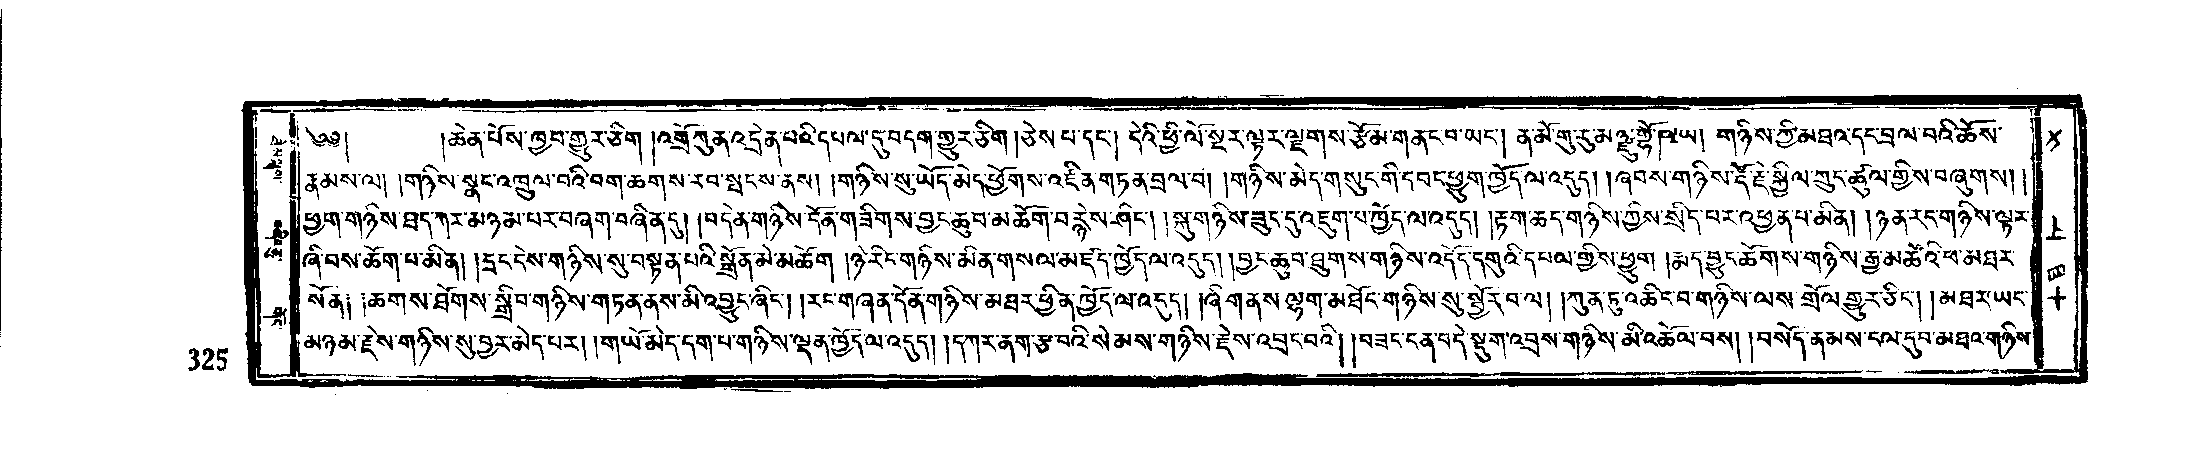༄༅། །ཆེན་པོས་ཁྱབ་གྱུར་ཅིག །འགྲོ་ཀུན་འདྲེན་པའི་དཔལ་དུ་བདག་གྱུར་ཅིག །ཅེས་པ་དང་། དེའི་ཕྱི་ལོ་སྔར་ལྟར་ལྗགས་རྩོམ་གནང་བ་ཡང་། ན་མོ་གུ་རུ་མཉྫུ་གྷོ་ཥ་ཡ། གཉིས་ཀྱི་མཐའ་དང་བྲལ་བའི་ཆོས་
རྣམས་ལ། །གཉིས་སྣང་འཁྲུལ་བའི་བག་ཆགས་རབ་སྤངས་ནས། །གཉིས་སུ་ཡོད་མེད་ཕྱོགས་འཛིན་གཏན་བྲལ་བ། །གཉིས་མེད་གསུང་གི་དབང་ཕྱུག་ཁྱོད་ལ་འདུད། །ཞབས་གཉིས་རྡོ་རྗེ་སྐྱིལ་ཀྲུང་ཚུལ་གྱིས་བཞུགས།།
ཕྱག་གཉིས་ཐད་ཀར་མཉམ་པར་བཞག་བཞིན་དུ། །བདེན་གཉིས་དོན་གཟིགས་བྱང་ཆུབ་མཆོག་བརྙེས་ཤིང་། །སྐུ་གཉིས་ཟུང་དུ་འཇུག་པ་ཁྱོད་ལ་འདུད། །རྟག་ཆད་གཉིས་ཀྱིས་སྲིད་པར་འཕྱན་པ་མིན། །ཉན་རང་གཉིས་ལྟར་
ཞི་བས་ཆོག་པ་མིན། །དྲང་ངེས་གཉིས་སུ་བསྟན་པའི་སྒྲོན་མེ་མཆོག །ཉེ་རིང་གཉིས་མིན་གསལ་མཛད་ཁྱོད་ལ་འདུད། །བྱང་ཆུབ་ཐུགས་གཉིས་འདོད་དགུའི་དཔལ་གྱིས་ཕྱུག །རྨད་བྱུང་ཆོགས་གཉིས་རྒྱ་མཚོའི་ཕ་མཐར་
སོན༑ ༑ཆགས་ཐོགས་སྒྲིབ་གཉིས་གཏན་ནས་མི་འབྱུང་ཞིང་། །རང་གཞན་དོན་གཉིས་མཐར་ཕྱིན་ཁྱོད་ལ་འདུད། །ཞི་གནས་ལྷག་མཐོང་གཉིས་སུ་སྦྱོར་བ་ལ། །ཀུན་ཏུ་འཆིང་བ་གཉིས་ལས་གྲོལ་གྱུར་ཅིང་། །མཐར་ཡང་
མཉམ་རྗེས་གཉིས་སུ་བྱར་མེད་པར། །གཡོ་མེད་དག་པ་གཉིས་ལྡན་ཁྱོད་ལ་འདུད། །དཀར་ནག་རྩ་བའི་སེམས་གཉིས་རྗེས་འབྲང་བའི། །བཟང་ངན་བདེ་སྡུག་འབྲས་གཉིས་མི་འཆོལ་བས། །བསོད་ནམས་ངལ་དུབ་མཐའ་གཉིས་